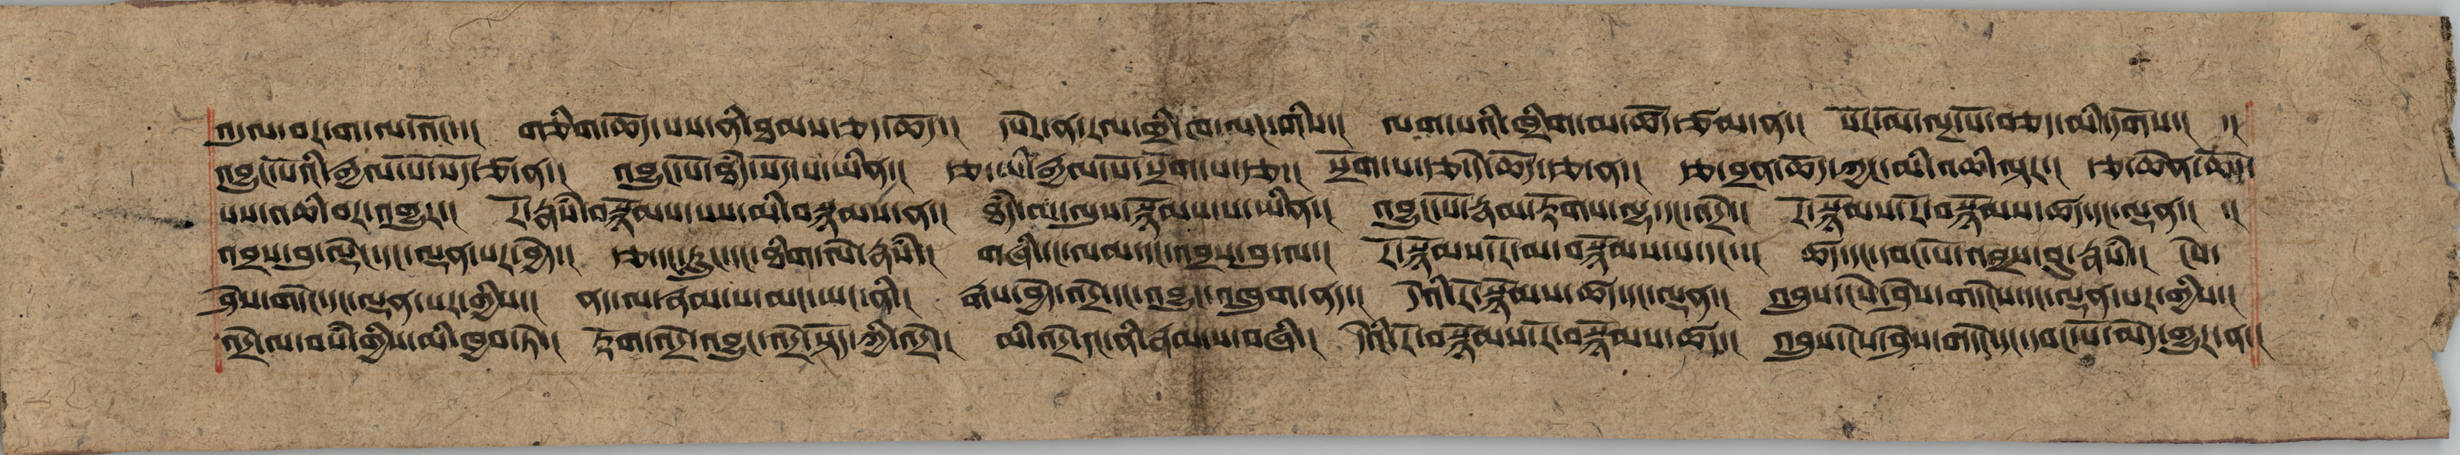འདུལ་བར་ག་ལ་འོང་་། གཅིག་ཆོད་པས་ནི་ཐམས་ཅད་ཆོད་། དཔེར་ན་རལ་གྲི་ཁ་ལང་གིས་། ལག་པའི་ཁྲིག་མ་ཚོད་ཙམ་ན་། སོར་མོ་ལྔ་པོ་བཅད་མི་དགོས་།
འབྱུང་པོའི་རྒྱལ་པོ་སོད་ཙ་ན་། འབྱུང་པོ་ཐཾད་སོད་པ་ཡིན་། རྩ་ཡི་རྒྱལ་པོ་སྲོག་པ་རྩ་། སྲོག་པ་རྩ་དེ་ཆོད་རྩ་ན་། རྩ་བྲན་ཆོད་ཀྱང་མི་འཆི་ལྟར་། རྩ་ཆེན་ཆོ་
པས་འཆི་བར་འགྱུར་། རོ་རྣཾས་བསྙོམས་པས་མི་བསྙམས་ན་། ཐཾད་མ་ལུས་སྙོམས་པ་ཡིན་། འབྱུང་པོ་རྣམ་རྟོགས་ལྷ་དང་འདྲེ་། རོ་སྙོམས་རོ་བསྙོམས་ཚད་དང་ལྡན་། ་།
འབྲས་བུ་ལྡེང་དང་ལྡན་པར་བྱེད་། རྩ་དང་རླུང་དང་ཐིག་ལེ་རྣཾས་། གཞི་དང་ལམ་དང་འབྲས་བུ་ལ་། རོ་སྙོམས་རོ་མ་སྙོམས་པ་དང་་། ཚད་དང་དབང་པ་ོའབྲས་བུ་རྣཾས་། ངེས་
ཤེས་གདེང་དང་ལྡན་པར་གྱིས་། ནད་ལ་རྣམ་པ་མང་ཡང་ནི་། རྒས་བྱེད་འདྲེ་དང་འབྱུང་འཁྲུག་ནད་། དེའི་རོ་སྙོམས་ཚད་དང་ལྡན་། འབྲུས་ངེས་ཤེས་གདེངས་དང་ལྡན་པར་གྱིས་།
འདྲེ་ལ་བསཾ་གྱིས་མི་ཁྱབ་ཏེ་། རྟོག་འདྲེ་འབྱུང་འདྲེ་སྟོད་ཀྱི་འདྲེ་། མི་འདྲེ་དང་ནི་རྣམ་པ་བཞི་། དེའི་རོ་བསྙོམས་རོ་བསྙོམས་ཚད་། འབྲུས་ངེས་ཤེས་གདེང་དང་དབང་པོ་མེད་གྱུར་ན་།